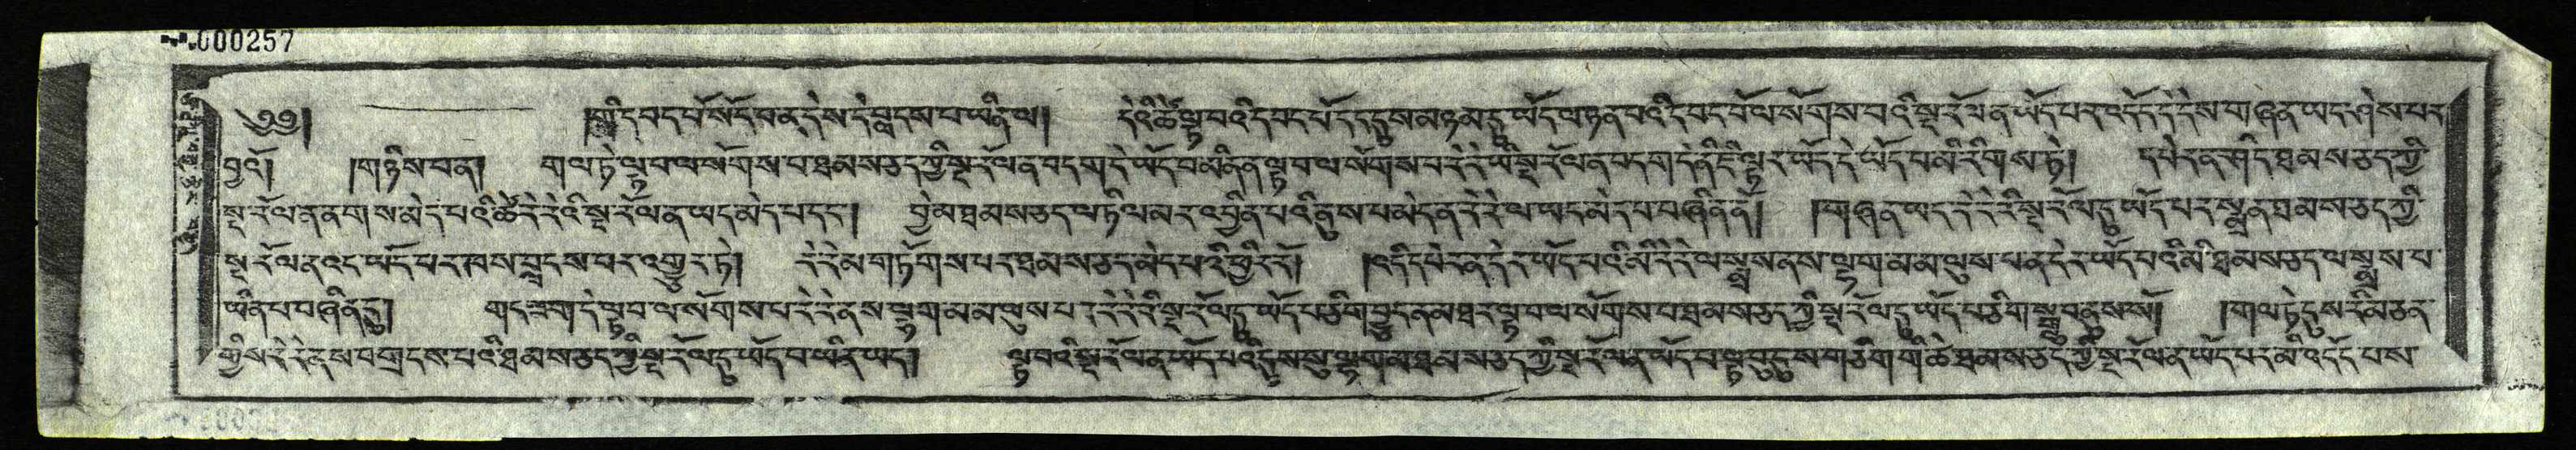༄༅། །གྱི་དབང་པོ་སོང་བ་ན་དེས་དེ་བླངས་པ་ཡིན་ལ། དེའི་ཚེ་ལྟ་བའི་དབང་པོ་དང་དུས་མཉམ་དུ་ཡོད་ལ་ཉན་པའི་དབང་པོ་ལ་སོགས་པའི་སྔ་རོལ་ན་ཡོད་པར་འདོད་དེ་དེས་གཞན་ཡང་ཤེས་པར་
བྱའོ། །གཉིས་པ་ན། གལ་ཏེ་ལྟ་བ་ལ་སོགས་པ་ཐམས་ཅད་ཀྱི་སྔ་རོལ་ན་བདག་དེ་ཡོད་པ་མིན་ན་ལྟ་བ་ལ་སོགས་པ་རེ་རེ་ཡི་སྔ་རོལ་ན་བདག་དེ་ནི་ཇི་ལྟར་ཡོད་དེ་ཡོད་པ་མི་རིགས་ཏེ། དཔེར་ན་ཤིང་ཐམས་ཅད་ཀྱི་
སྔ་རོལ་ན་ནགས་མེད་པའི་ཚེ་རེ་རེའི་སྔ་རོལ་ན་ཡང་མེད་པ་དང་། བྱེ་མ་ཐམས་ཅད་ལ་ཏིལ་མར་འབྱིན་པའི་ནུས་པ་མེད་ན་རེ་རེ་ལ་ཡང་མེད་པ་བཞིན་ནོ། །གཞན་ཡང་དེ་དེའི་སྔ་རོལ་དུ་ཡོད་པར་སྨྲན་ཐམས་ཅད་ཀྱི་
སྔ་རོལ་ནའང་ཡོད་པར་ཁས་བླངས་པར་འགྱུར་ཏེ། རེ་རེ་མ་གཏོགས་པར་ཐམས་ཅད་མེད་པའི་ཕྱིར་རོ། །འདི་དཔེར་ན་དེར་ཡོད་པའི་མི་རེ་རེ་ལ་སྨྲས་ནས་ལྷག་མ་མ་ལུས་པ་ན་དེར་ཡོད་པའི་མི་ཐམས་ཅད་ལ་སྨྲས་པ་
ཡིན་པ་བཞིན་དུ། གང་ཟག་དེ་ལྟ་བ་ལ་སོགས་པ་རེ་རེ་ནས་ལྷག་མ་མ་ལུས་པར་རེ་རེའི་སྔ་རོལ་དུ་ཡོད་པ་ཅིག་བྱུང་ན་མཐར་ལྟ་བ་ལ་སོགས་པ་ཐམས་ཅད་ཀྱི་སྔ་རོལ་དུ་ཡོད་པ་ཅིག་སྒྲུབ་ནུས་སོ། །གལ་ཏེ་དུས་རིམ་ཅན་
གྱིས་རེ་རེ་ནས་བགྲངས་པའི་ཐམས་ཅད་ཀྱི་སྔ་རོལ་དུ་ཡོད་པ་ཡིན་ཡང་། ལྟ་བའི་སྔ་རོལ་ན་ཡོད་པའི་དུས་སུ་ལྷག་མ་ཐམས་ཅད་ཀྱི་སྔ་རོལ་ན་ཡོད་པ་ལྟ་བུ་དུས་གཅིག་གི་ཚེ་ཐམས་ཅད་ཀྱི་སྔ་རོལ་ན་ཡོད་པར་མི་འདོད་པས་